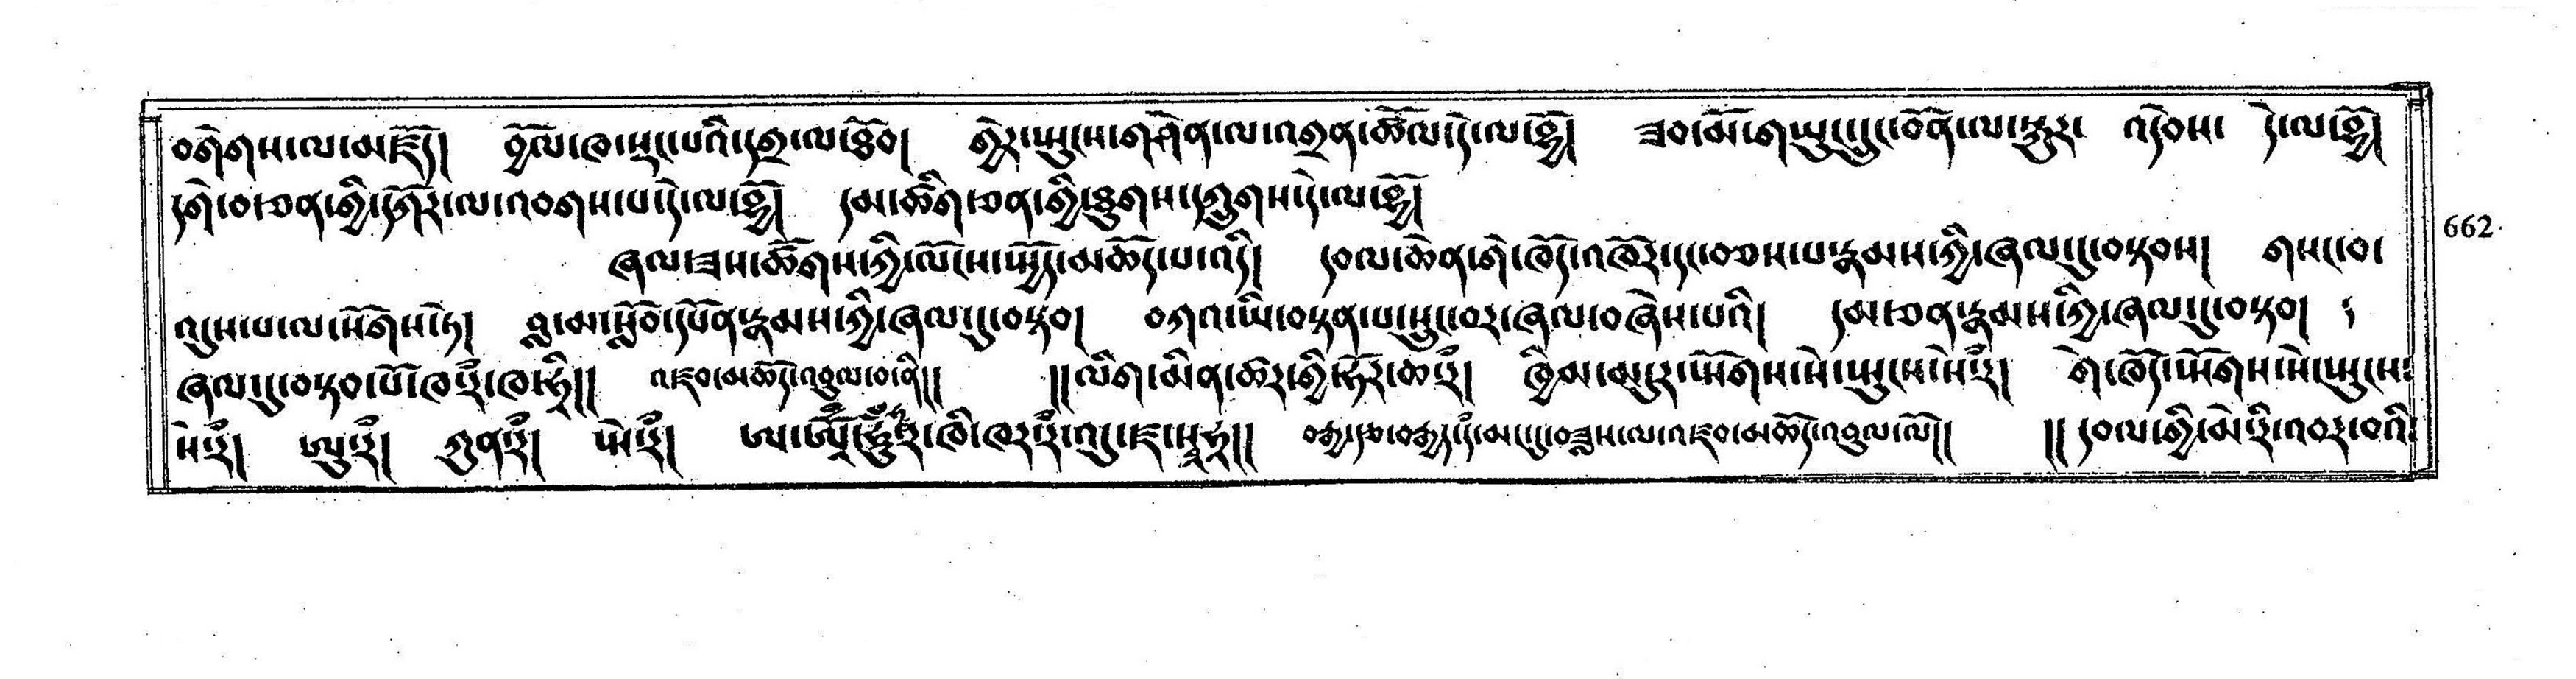བགེགས་ལ་མཛོད། བྱོལ་ཁ་སྡང་པའི་དགྲ་ལ་ཐོབ། གྱེར་སྤུངས་གཤེན་ལ་འགྲན་ཚོལ་དེ་ལ་བྷྱོ། ཟབ་མོ་གཡུང་དྲུང་བོན་ལ་སྐུར་འདེབས་དེ་ལ་བྷྱོ། 
དགེ་བ་ཅན་གྱི་དཀོར་ལ་འབགས་པ་དེ་ལ་བྷྱོ། དམ་ཚིག་ཅན་གྱི་ཐུགས་དཀྲུགས་དེ་ལ་བྷྱོ། 
ཞལ་ཟས་ཚོགས་ཀྱི་ལོངས་སྤྱོད་མཆོད་པ་འདི། དབལ་ཆེན་གེ་ཁོད་འཁོར་དང་བཅས་པ་རྣམས་ཀྱི་ཞལ་དུ་བསྟབས། གསང་བ་
འདུས་པ་ལ་སོགས་ཏེ། བླ་མ་སློབ་དཔོན་རྣམས་ཀྱི་ཞལ་དུ་བསྟབ། བཀའ་ཡི་བསྟན་པ་སྲུང་བར་ཞལ་བཞེས་པའི། དམ་ཅན་རྣམས་ཀྱི་ཞལ་དུ་བསྟབ། 
ཞལ་དུ་བསྟབ་པོ་ཁ་རཾ་ཁ་ཧཱི།། འཛབ་མཆོད་འབུལ་བ་ནི།། །།ལིག་མིན་ཚར་གྱི་ཧོར་ཆ་རཾ། ཁྱིམ་མདུར་སྤོགས་སེ་སྤུངས་སེ་རཾ། གེ་ཁོད་སྤོགས་སེ་སྤུངས་
སེ་རཾ། ཨུ་རཾ། ཀུན་རཾ། སྤེ་རཾ། ཨ་ཨཱོཾ་ཧཱུྃ་རཾ་ཁི་ཁར་རཾ་འདུ་ཛ་སྭཱཧཱ།། བརྒྱ་རྩ་བརྒྱད་དམ་མང་དུ་བཟླས་ལ་འཛབ་མཆོད་འབུལ་ལོ།། །།དབལ་གྱི་མེ་རི་འབར་བའི་